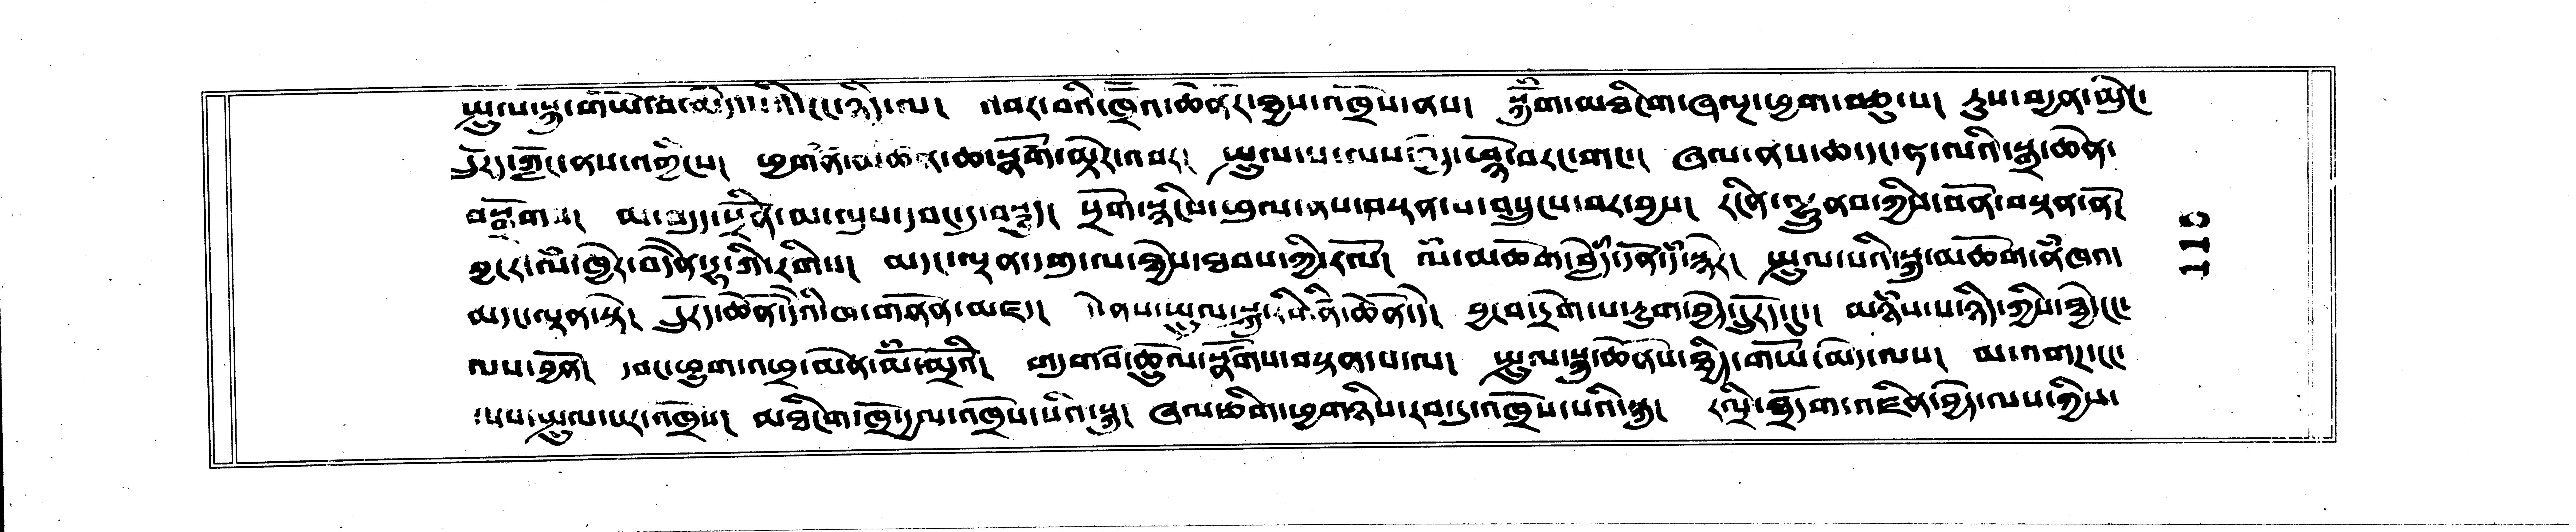སྤྲུལ་སྐུ་གཡོ་བ་མེད་པའི་ངང་ཉིོད་ལ། འབར་བའི་ཁྲོ་བོ་ཆེན་པོར་ཐུགས་འཁྲོས་ནས། སྐུ་མདོག་མཐིང་ནག་ཞལ་ལྔ་ཕྱག་བཅུ་པ། རུས་རྒྱན་མེ་དཔུང་
དུར་ཁྲོད་ཀློང་ནས་འགྱིངས། ཕྱག་མཚན་མཚོན་ཆ་སྣ་ཚོགས་མེ་ལྟར་འབར། སྤྲུལ་པ་ལས་བྱེད་བར་སྣང་གང་། ཞལ་ནས་ཆ་དང་ཧ་ལའི་སྒྲ་ཆེན་
སྒྲོགས། མ་བདུད་སྲིན་པོ་མ་ལུས་དབང་དུ་སྡུད། སྲོག་སྙིང་ཕུལ་ནས་བསྟན་པ་བསྲུང་བར་བྱས། རང་བཞིན་ལྷུན་གྲུབ་ཀྱིས་བོན་བསྟན་ནོ།
བྱང་ཤར་ལམ་ཁྱེར་བདེ་ཆེན་དྷ་ཀི་རིགས། མདངས་ལྡན་དགུ་ལ་ཐུགས་རྗེ་ཐབས་ཀྱི་རོལ། ལམ་མཆོག་བླ་མེད་དོན་དམ་གཉེར། སྤྲུལ་པའི་སྐུ་མཆོག་ནམ་མཁའ་
མདངས་ལྡན་སྟེ། དུར་ཁྲོད་ཆེན་པོ་དེའི་ཁ་གནོན་མཛད། དེ་ནས་སྤྲུལ་སྐུ་རིག་འཛིན་ཆེན་པོ་དེ། བྱང་ཆུབ་དྲེགས་པ་རྒྱུག་བྱེད་དུར་ཁྲོད་དུ། མཉམ་པ་ཉིད་ཀྱི་ཐུགས་རྗེ་ངང་
ལས་བྱོན། དབང་ཕྱུག་འཕྲ་མེན་མ་མོ་མཁའ་འགྲོ་ཡི། གདུག་རྩུབ་ཆོ་འཕྲུལ་སྣ་ཚོགས་བསྟན་པ་ལ། སྤྲུལ་སྐུ་ཆེན་པོས་ཐུགས་ཉིད་གཡོ་མེད་ལས། མ་འགགས་ངང་
ལས་སྤྲུལ་པར་འཁྲོས། མཐིང་ནག་ཁྲོ་རྒྱལ་ཁྲོས་པའི་སྐུ། ཞལ་གཅིག་ཕྱག་གཉིས་རབ་ཏུ་འཁྲོས་པའི་སྐུ། རལ་གྲི་ཐོད་ཁྲག་འཛིན་བྱེད་ལས་ཀྱི་